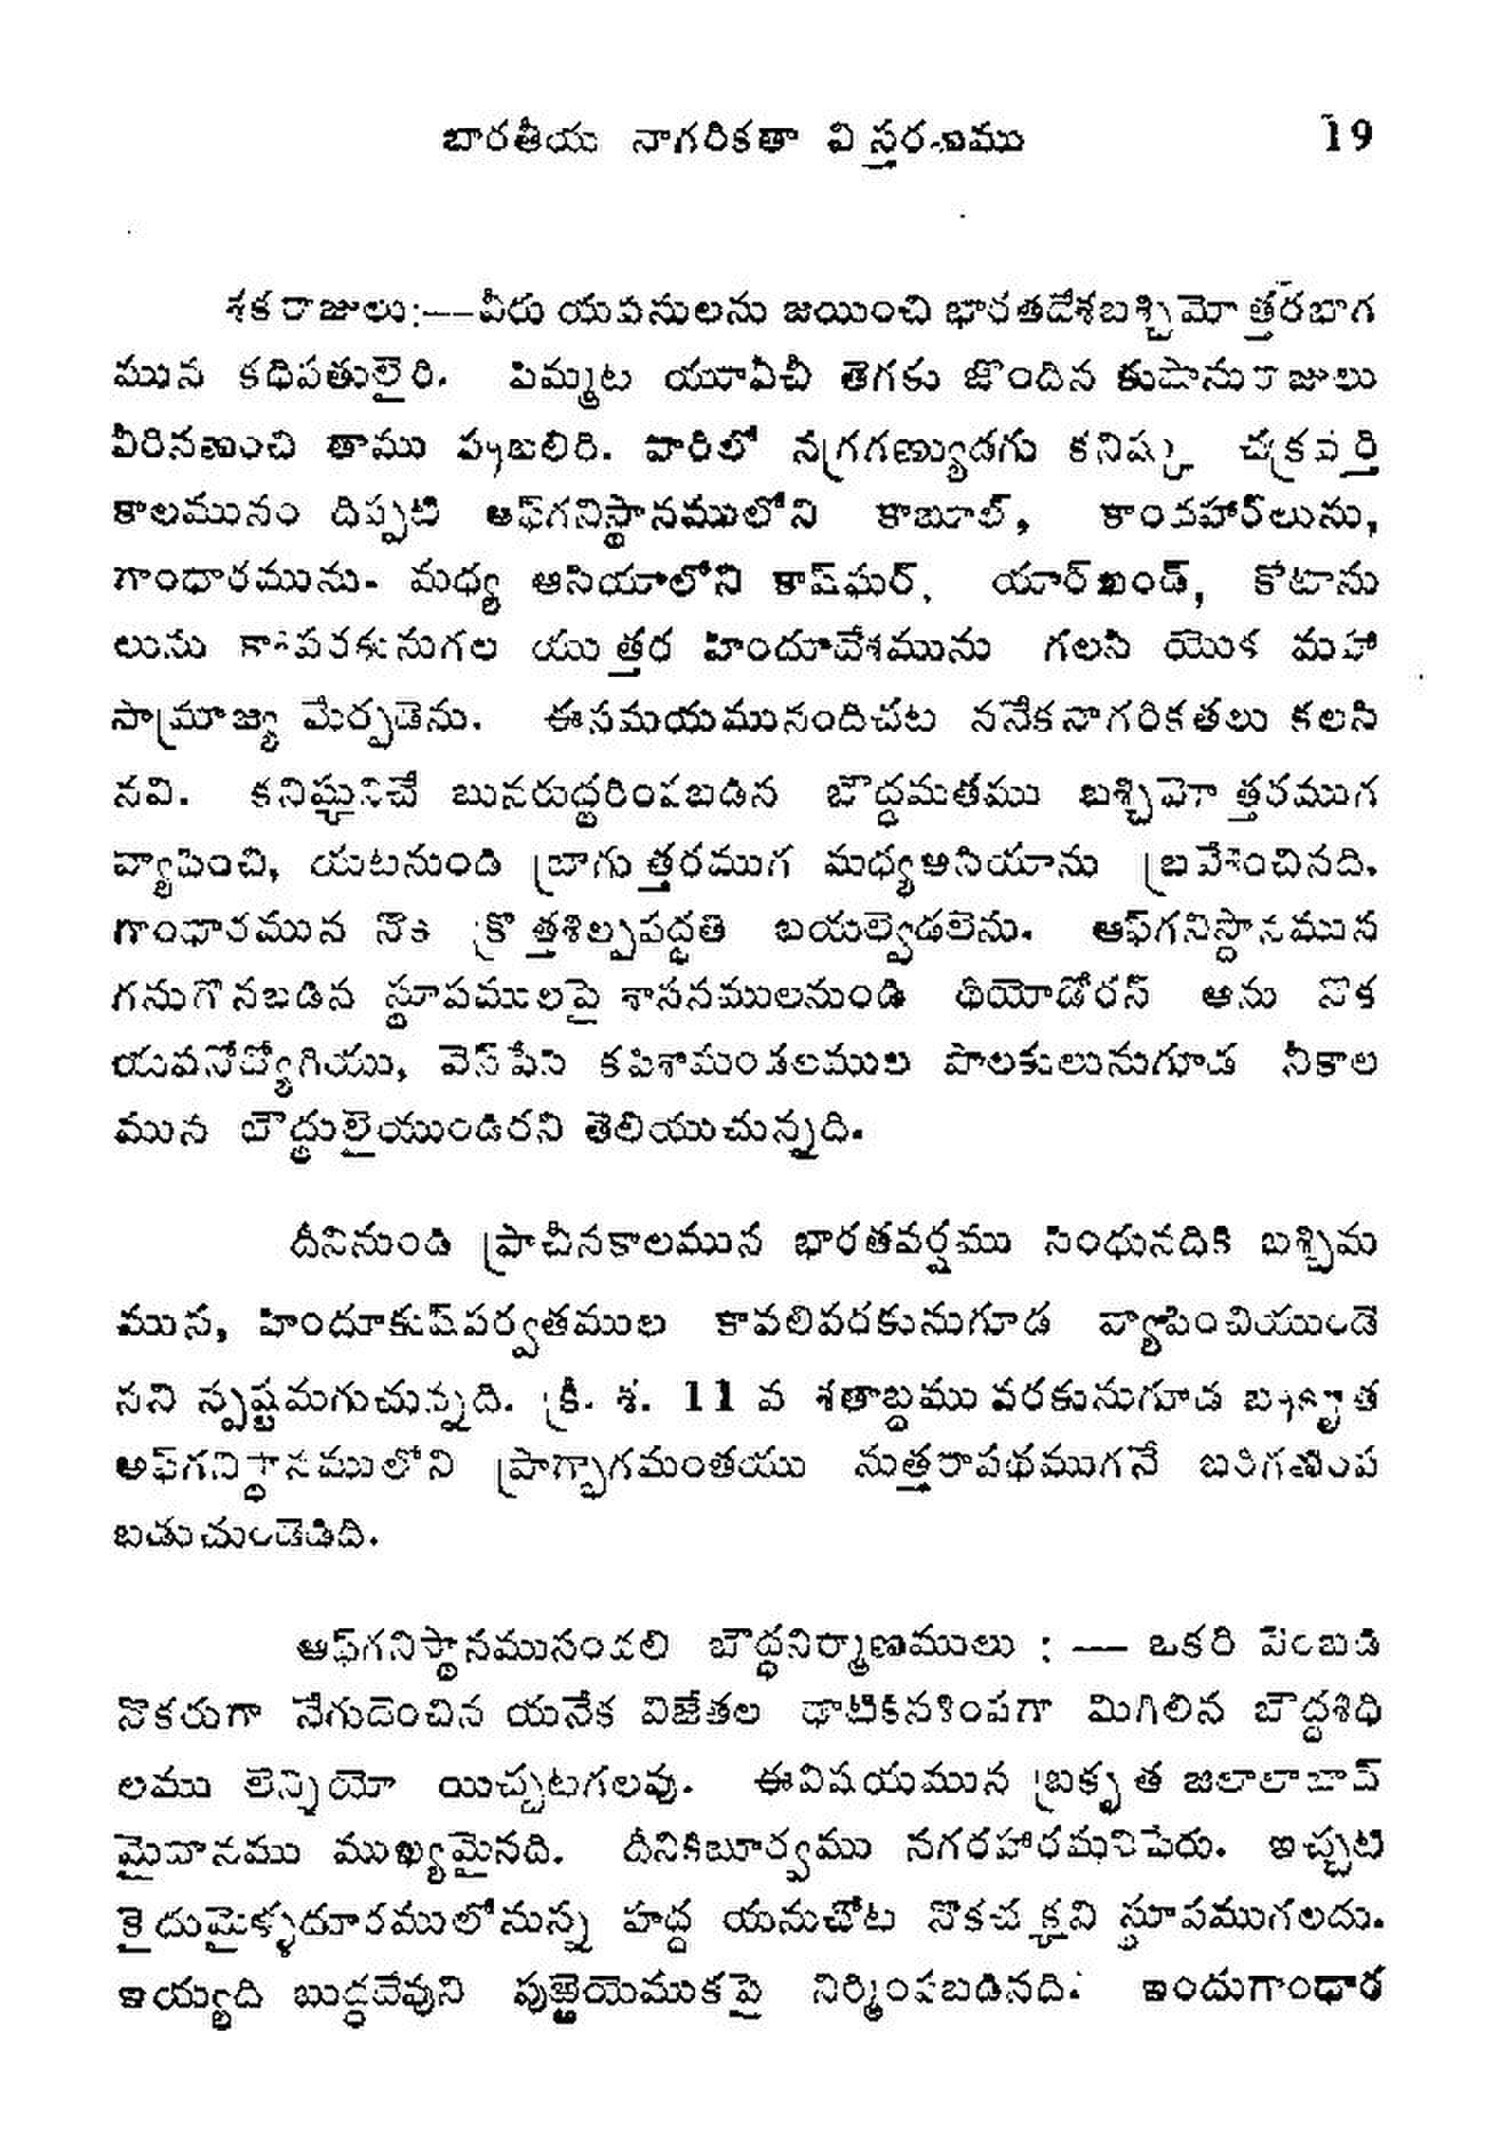శకరాజులు :- వీరు యవనులను జయించి భారతదేశబశ్చిమోత్తరభాగమున కదిపతులైరి. పిమ్మట యూఏచీ తెగకు జొందిన కుషానురాజులు వీరినణంచి తాము ప్రబలిరి. వారిలో నగ్రగణ్యుడగు కనిష్క చక్రవర్తి కాలమునం దిప్పటి ఆఫ్‌గనిస్థానములోని కాబూల్, కాందహార్‌లును, గాంధారమును - మద్య ఆసియాలోని కాష్‌ఘర్, యార్‌ఖండ్, కోటానులును కాశివరకునుగల యుత్తర హిందూదేశమును గలసి యొక మహాసామ్రాజ్య మేర్పడెను. ఈసమయమునందిట ననేక నాగరికతలు కలసినవి. కనిష్కునిచే బునరుద్దరింపబడిన బౌద్దమతము బశ్చిమోత్తరముగ వ్యాపించి, యటనుండి బ్రాగుత్తరముగ మధ్యఆసియాను బ్రవేశించినది. గాంధారమున నొక క్రొత్తశిల్పపద్దతి బయల్వెడలెను. ఆఫ్‌గనిస్థానమున గనుగొనబడిన స్థూపములపై శాసనములనుండి థియోడోరస్ అను నొక యవనోద్యోగియు, వెస్‌పేసి కపిశామండలముల పాలకులునుగూడ నీకాలమున బౌద్దులైయుండిరని తెలియుచున్నది.

దీనినుండి ప్రాచీనకాలమున భారతవర్షము సింధునదికి బశ్చిమమున, హిందూకుష్‌పర్వతముల కావలివరకునుగూడ వ్యాపించియుండెనని స్పష్టమగుచున్నది. క్రీ. శ. 11 వ శతాబ్దము వరకునుగూడ బ్రకృత ఆఫ్‌గనిస్థానములోని ప్రాగ్బాగమంతయు నుత్తరాపథముగనే బరిగణింప బడుచుండెడిది.

ఆఫ్‌గనిస్థానమునందలి బౌద్దనిర్మాణములు :- ఒకరి వెంబడి నొకరుగా నేగుదెంచిన యనేక విజేతల ధాటికినశింపగా మిగిలిన బౌద్దశిధిలము లెన్నియో యిచ్చటగలవు. ఈ విషయమున బ్రకృత జలాలాబాద్ మైదానము ముఖ్యమైనది. దీనికిబూర్వము నగరహారమనిపేరు. ఇచ్చటి కైదుమైళ్ళదూరములోనున్న హద్ద యనుచోట నొకచక్కని స్థూపముగలదు. ఇయ్యది బుద్దదేవుని పుఱ్ఱెయెముకపై నిర్మింపబడినది. ఇందుగాంధార